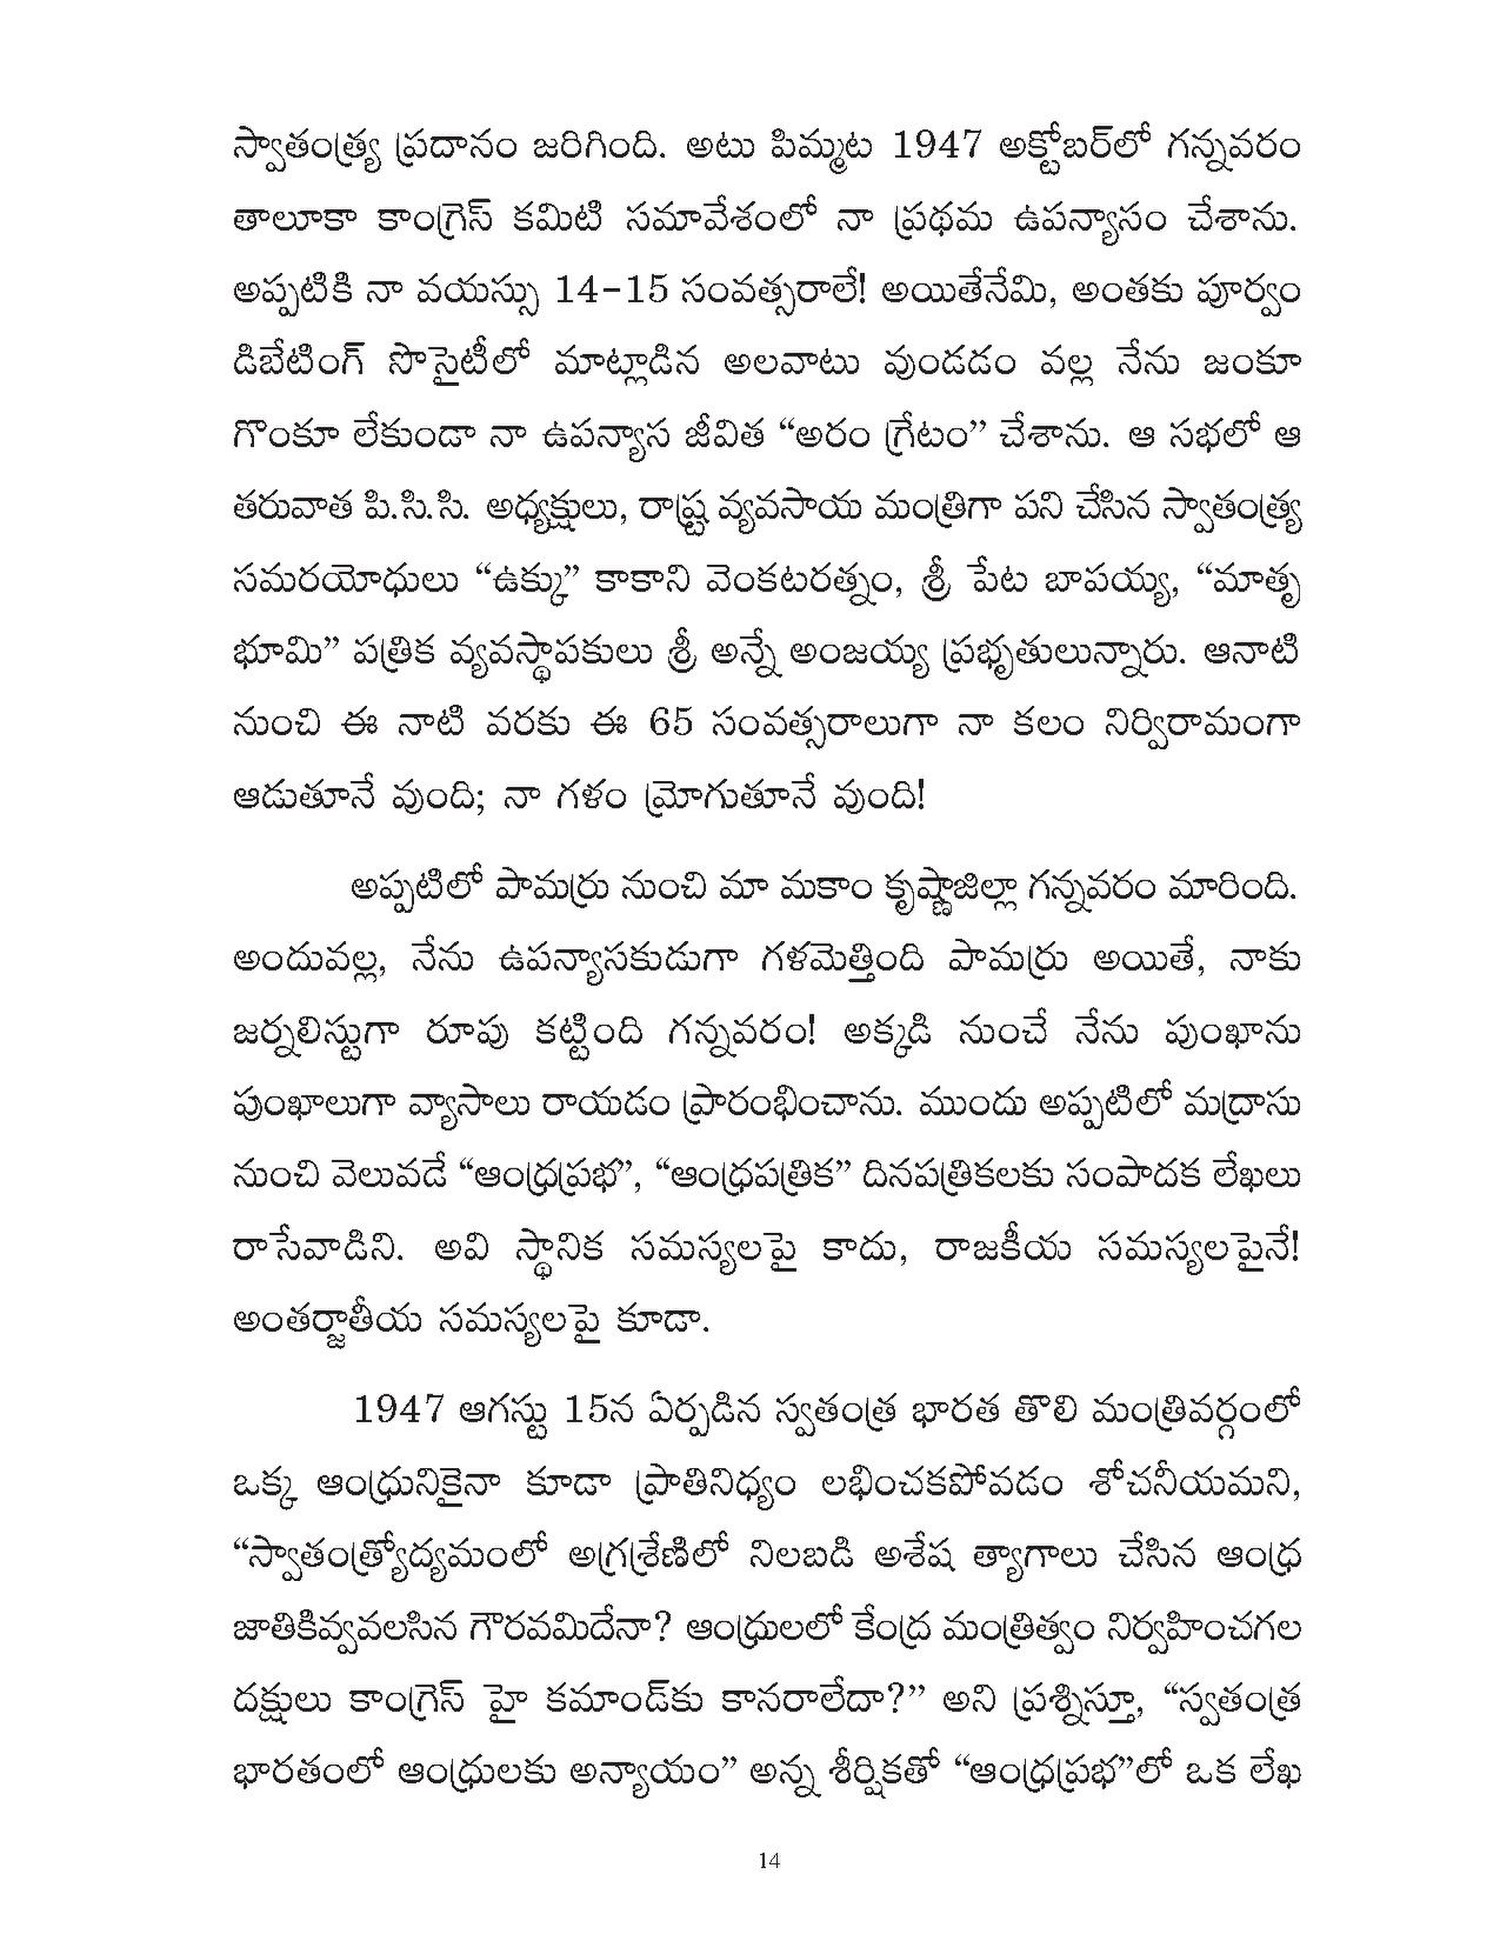స్వాతంత్య్ర ప్రదానం జరిగింది. అటు పిమ్మట 1947 అక్టోబర్‌లో గన్నవరం
తాలూకా కాంగ్రెస్‌ కమిటి సమావేశంలో నా ప్రథమ ఉపన్యాసం చేశాను.
అప్పటికి నా వయస్సు 14-15 సంవత్సరాలే! అయితేనేమి, అంతకు పూర్వం
డిబేటింగ్‌ సొసైటీలో మాట్లాడిన అలవాటు వుండడం వల్ల నేను జంకూ
గొంకూ లేకుండ నా ఉపన్యాస జీవిత "అరం గ్రేటం" చేశాను. ఆ సభలో ఆ
తరువాత పి.సి.సి. అధ్యక్షులు, రాష్ట్ర వ్యవసాయ మంత్రిగా పని చేసిన స్వాతంత్య్ర
సమరయోధులు "ఉక్కు" కాకాని వెంకటరత్నం, శ్రీ పేట బాపయ్య, "మాతృ
భూమి" పత్రిక వ్యవస్థాపకులు శ్రీ అన్నే అంజయ్య ప్రభృతులున్నారు. ఆనాటి
నుంచి ఈ నాటి వరకు ఈ 65 సంవత్సరాలుగా నా కలం నిర్విరామంగా
ఆడుతూనే వుంది; నా గళం మ్రోగుతూనే వుంది!

అప్పటిలో పామర్రు నుంచి మా మకాం కృష్ణాజిల్లా గన్నవరం మారింది.
అందువల్ల, నేను ఉపన్యాసకుడుగా గళమెత్తింది పామర్రు అయితే, నాకు
జర్నలిస్టుగా రూపు కట్టింది గన్నవరం! అక్కడి నుంచే నేను పుంఖాను
పుంఖాలుగా వ్యాసాలు రాయడం ప్రారంభించాను. ముందు అప్పటిలో మద్రాసు
నుంచి వెలువడే "ఆంధ్రప్రభ", "ఆంధ్రపత్రిక" దినపత్రికలకు సంపాదక లేఖలు
రాసేవాడిని. అవి స్థానిక సమస్యలపై కాదు, రాజకీయ సమస్యలపైనే!
అంతర్జాతీయ సమస్యలపై కూడా.

1947 ఆగస్టు 15న ఏర్పడిన స్వతంత్ర భారత తొలి మంత్రివర్గంలో
ఒక్క ఆంధ్రునికైనా కూడా ప్రాతినిధ్యం లభించకపోవడం శోచనీయమని,
"స్వాతంత్య్రోద్యమంలో అగ్రశ్రేణిలో నిలబడి అశేష త్యాగాలు చేసిన ఆంధ్ర
జాతికివ్వవలసిన గౌరవమిదేనా? ఆంధ్రులలో కేంద్ర మంత్రిత్వం నిర్వహించగల
దక్షులు కాంగ్రెస్‌ హై కమాండ్‌కు కానరాలేదా?" అని ప్రశ్నిస్తూ, "స్వతంత్ర
భారతంలో ఆంధ్రులకు అన్యాయం" అన్న శీర్షికతో "ఆంధ్రప్రభ"లో ఒక లేఖ